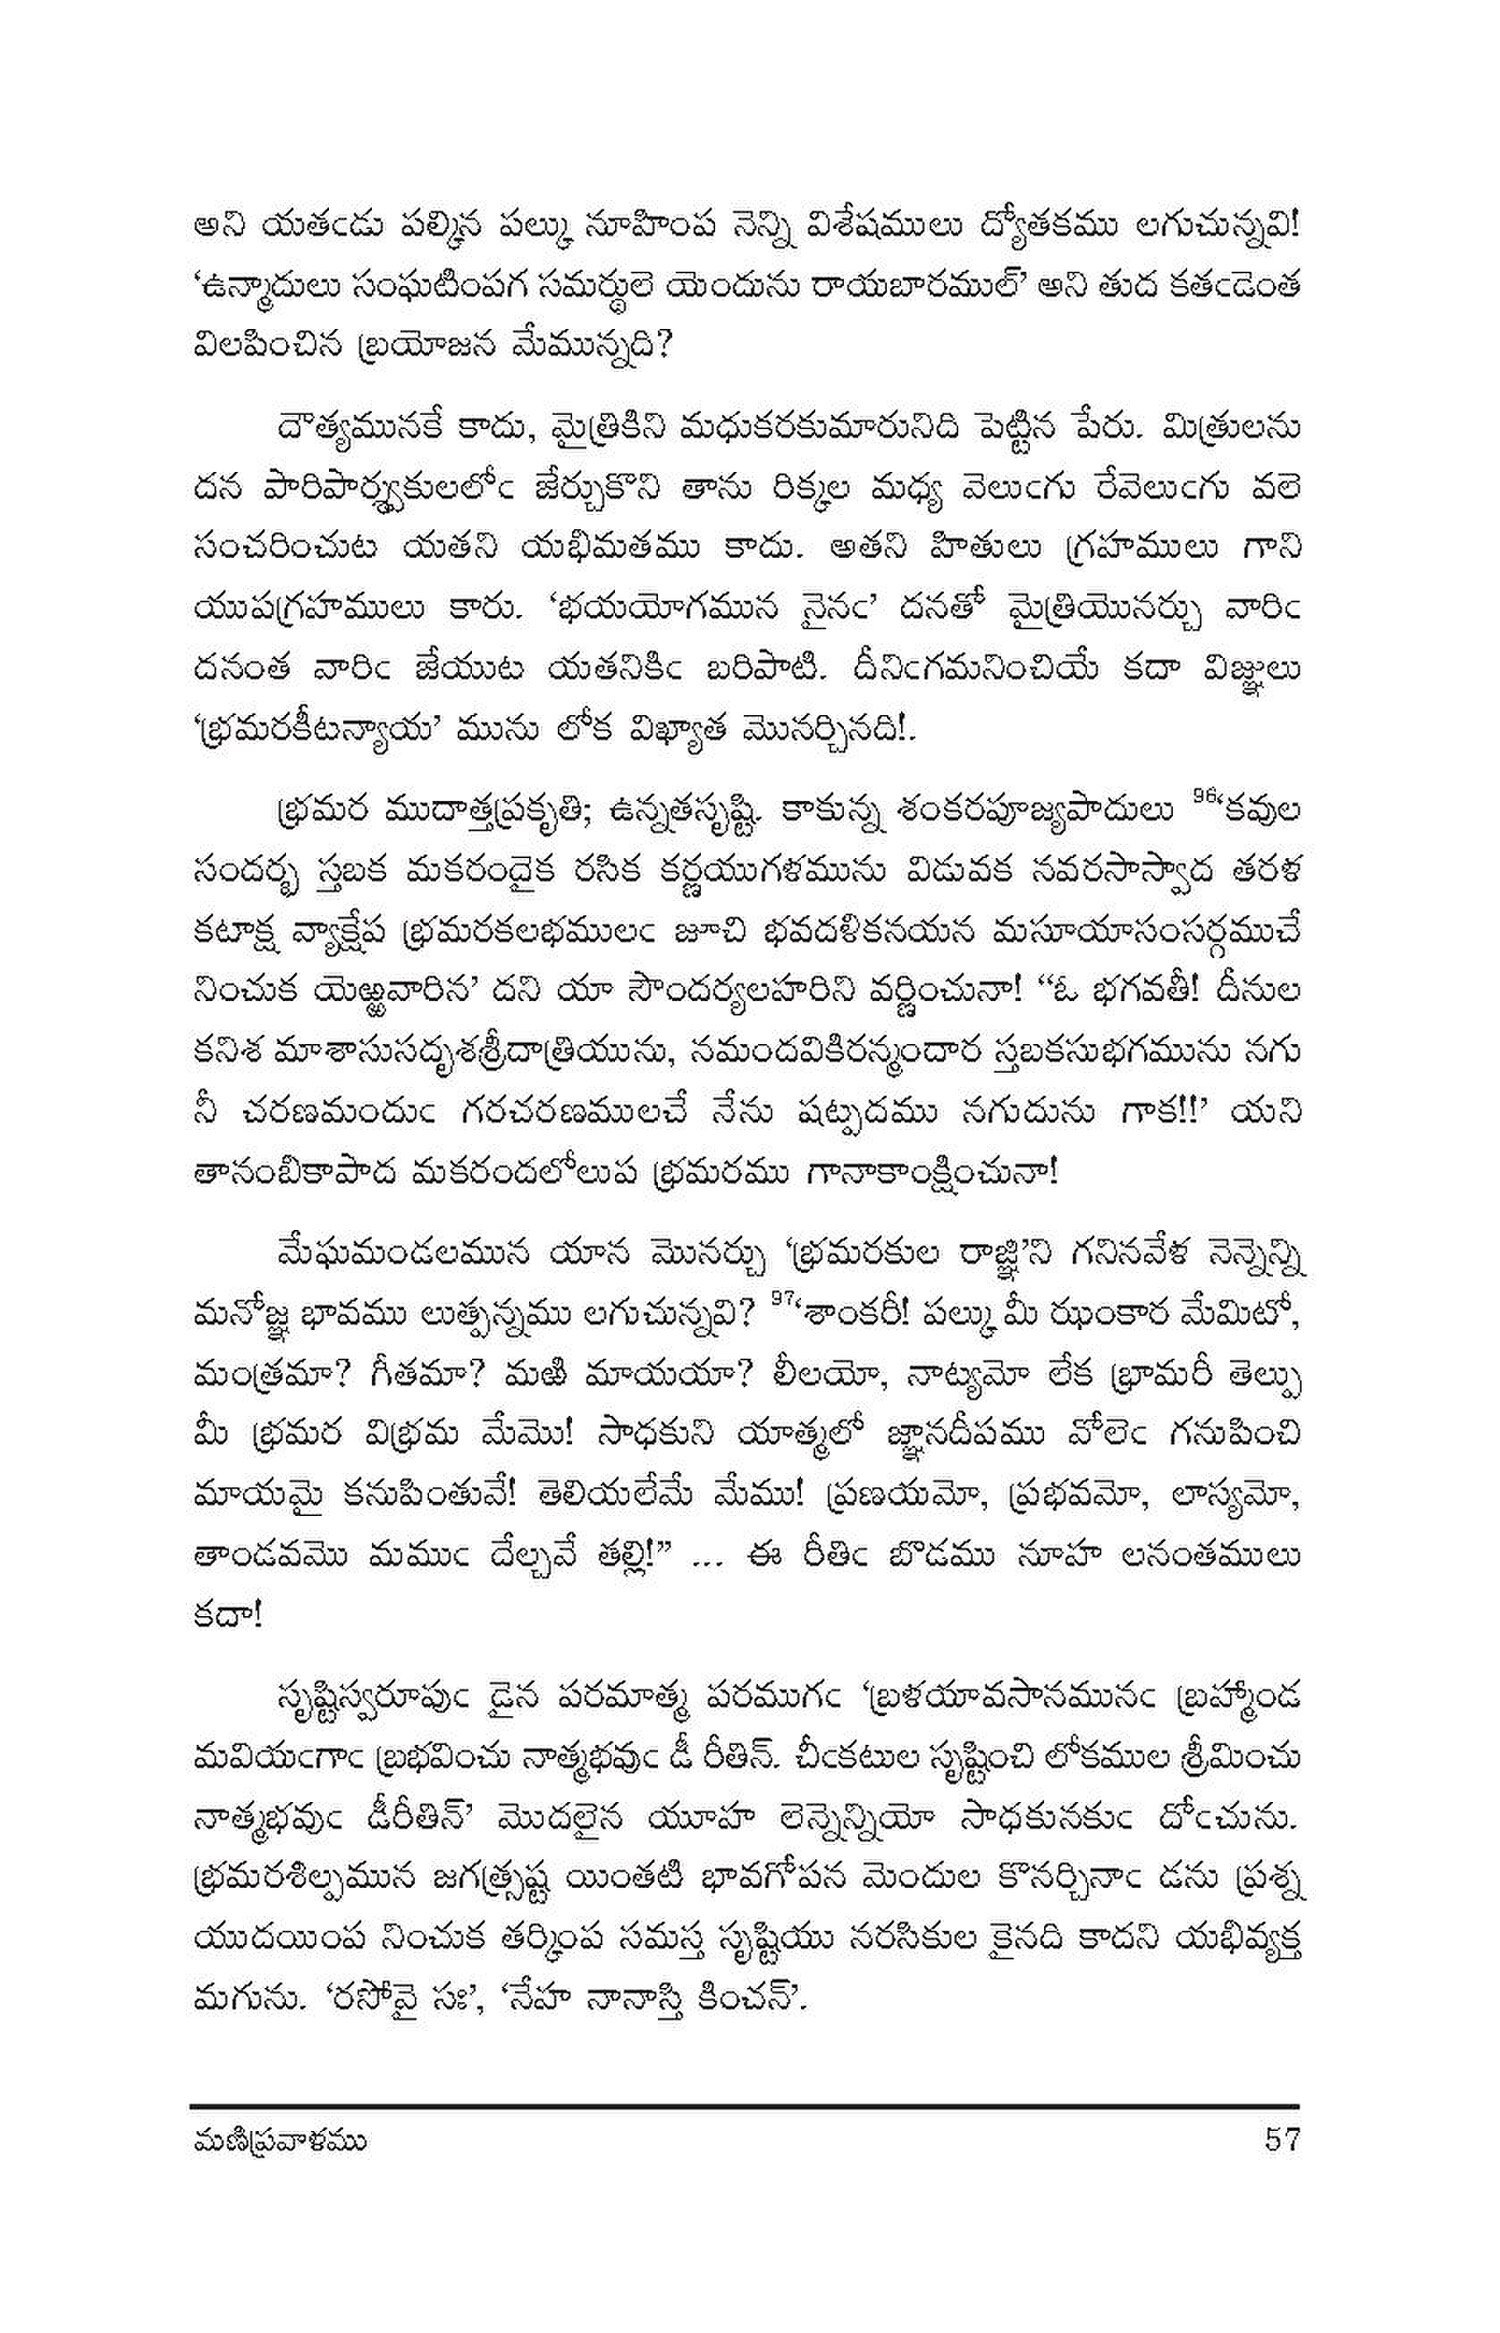అని యతఁడు పల్కిన పల్కు నూహింప నెన్ని విశేషములు ద్యోతకము లగుచున్నవి!
'ఉన్మాదులు సంఘటింపగ సమర్థులె యెందును రాయబారముల్' అని తుద కతఁడెంత
విలపించిన బ్రయోజన మేమున్నది?

దౌత్యమునకే కాదు, మైత్రికిని మధుకరకుమారునిది పెట్టిన పేరు. మిత్రులను
దన పారిపార్శ్వకులలోఁ జేర్చుకొని తాను రిక్కల మధ్య వెలుఁగు రేవెలుఁగు వలె
సంచరించుట యతని యభిమతము కాదు. అతని హితులు గ్రహములు గాని
యుషగ్రహములు కారు. 'భయయోగమున నైనఁ' దనతో మైత్రియొనర్చు వారిఁ
దనంత వారిఁ జేయుట యతనికిఁ బరిపాటి. దీనిఁ గమనించియే కదా విజ్ఞులు
'భ్రమరకీటన్యాయ' మును లోక విఖ్యాత మొనర్చినది!.

భ్రమర ముదాత్తప్రకృతి; ఉన్నతసృష్టి. కాకున్న శంకరపూజ్యపాదులు కవుల 
సందర్భ స్తబక మకరందైక రసిక కర్ణయుగళమును విడువక నవరసాస్వాద తరళ
కటాక్ష వ్యాక్షేప భ్రమరకలభములఁ జూచి భవదళికనయన మసూయాసంసర్గముచే
నించుక యెఱ్ఱవారిన' దని యా సౌందర్యలహరిని వర్ణించునా! "ఓ భగవతీ! దీనుల
కనిశ మాశాసుసదృశశ్రీదాత్రియును, నమందవికిరన్మందార స్తబకసుభగమును నగు
నీ చరణమందుఁ గరచరణములచే నేను షట్పదము నగుదును గాక!!' యని
తానంబికాపాద మకరందలోలుప భ్రమరము గానాకాంక్షించునా!

మేఘమండలమున యాన మొనర్చు 'భ్రమరకుల రాజ్ఞి'ని గనినవేళ నెన్నెన్ని
మనోజ్ఞ భావము లుత్పన్నము లగుచున్నవి? శాంకరీ! పల్కు మీ ఝంకార మేమిటో,
మంత్రమా? గీతమా? మఱి మాయయా? లీలయో, నాట్యమో లేక భ్రామరీ తెల్పు
మీ భ్రమర విభ్రమ మేమొ! సాధకుని యాత్మలో జ్ఞానదీపము వోలెఁ గనుపించి
మాయమై కనుపింతునే! తెలియలేమే మేము! ప్రణయమో, ప్రభవమో, లాస్యమో,
తాండవమొ మముఁ దేల్చవే తల్లి!” ఈ రీతిఁ బొడము నూహ లనంతములు
కదా!

సృష్టిస్వరూపుఁ డైన పరమాత్మ పరముగఁ 'బ్రళయావసానమునఁ బ్రహ్మాండ
మవియఁగాఁ బ్రభవించు నాత్మభవుఁ డీ రీతిన్. చీఁకటుల సృష్టించి లోకముల శ్రీమించు
నాత్మభవుఁ డీరీతిన్' మొదలైన యూహ లెన్నెన్నియో సాధకునకుఁ దోఁచును.
భ్రమరశిల్పమున జగత్స్రష్ట యింతటి భావగోపన మెందుల కొనర్చినాఁ డను ప్రశ్న
యుదయింప నించుక తర్కింప సమస్త సృష్టియు నరసికుల కైనది కాదని యభివ్యక్త
మగును. 'రసోవై సః', 'నేహ నానాస్తి కించన్'.